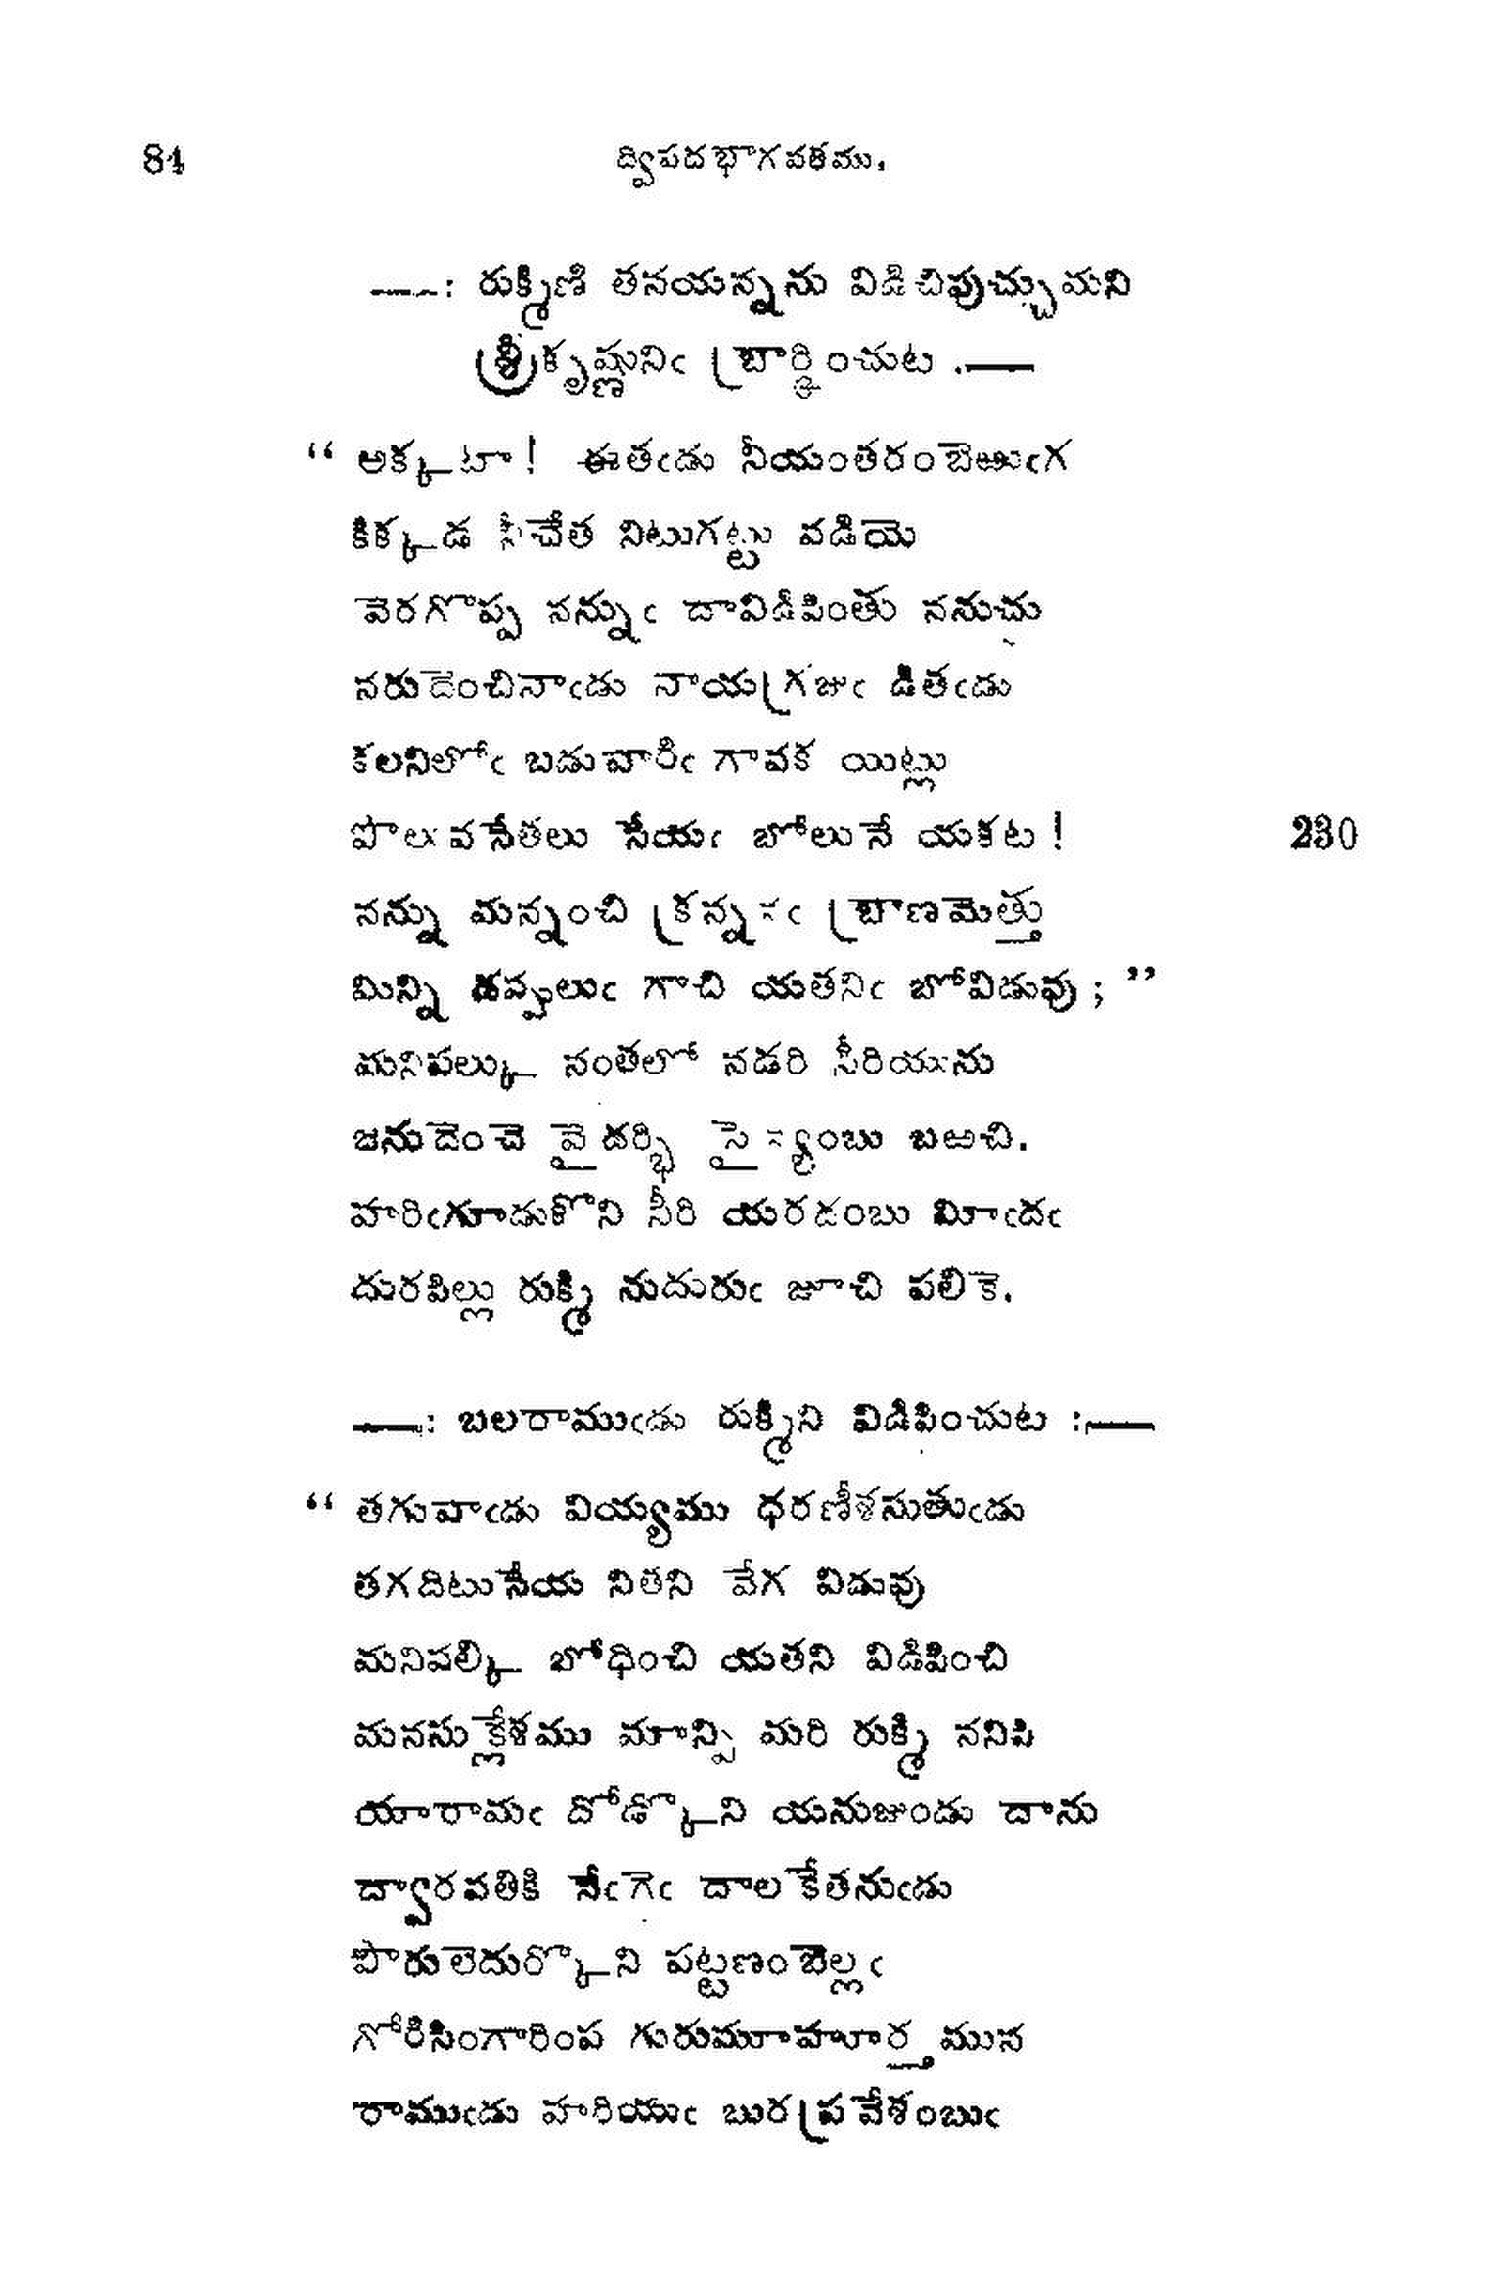“అక్కటా! ఈతఁడు నీయంతరం బెఱుఁగ
కిక్కడ నీచేత నిటుగట్టు వడియె
వెరగొప్ప నన్నుఁ దా విడిపింతు ననుచు
నరుదెంచినాఁడు నాయగ్రజుఁ డితఁడు
కలనిలోఁ బడువారిఁ గావక యిట్లు
పొలువసేతలు సేయఁ బోలునే యకట!
నన్ను మన్నించి క్రన్నఁనఁ బ్రాణమెత్తు
మిన్ని దప్పులుఁ గాచి యతనిఁ బోవిడువు;”
మని పల్కు నంతలో నడరి సీరియును
జనుదెంచె వైదర్భి సైన్యంబు బఱచి,
హరిఁగూడుకొని సీరి యరడంబు మీఁదఁ
దురపిల్లు రుక్మి నుదురుఁ జూచి పలికె.

“తగువాఁడు వియ్యము ధరణీశసుతుఁడు
తగదిటుసేయ నితని వేగ విడువు”
మనిపల్కి బోధించి యతని విడిపించి
మనసు క్లేశము మాన్పి మరి రుక్మి ననిపి
యారామఁ దోడ్కొని యనుజుండు దాను
ద్వారవతికి నేఁగెఁ దాలకేతనుడు
పౌరు లెదుర్కొని పట్టణం బెల్లఁ
గోరిసింగారింప గురుమూహూర్తమున
రాముఁడు హరియుఁ బురప్రవేశంబుఁ